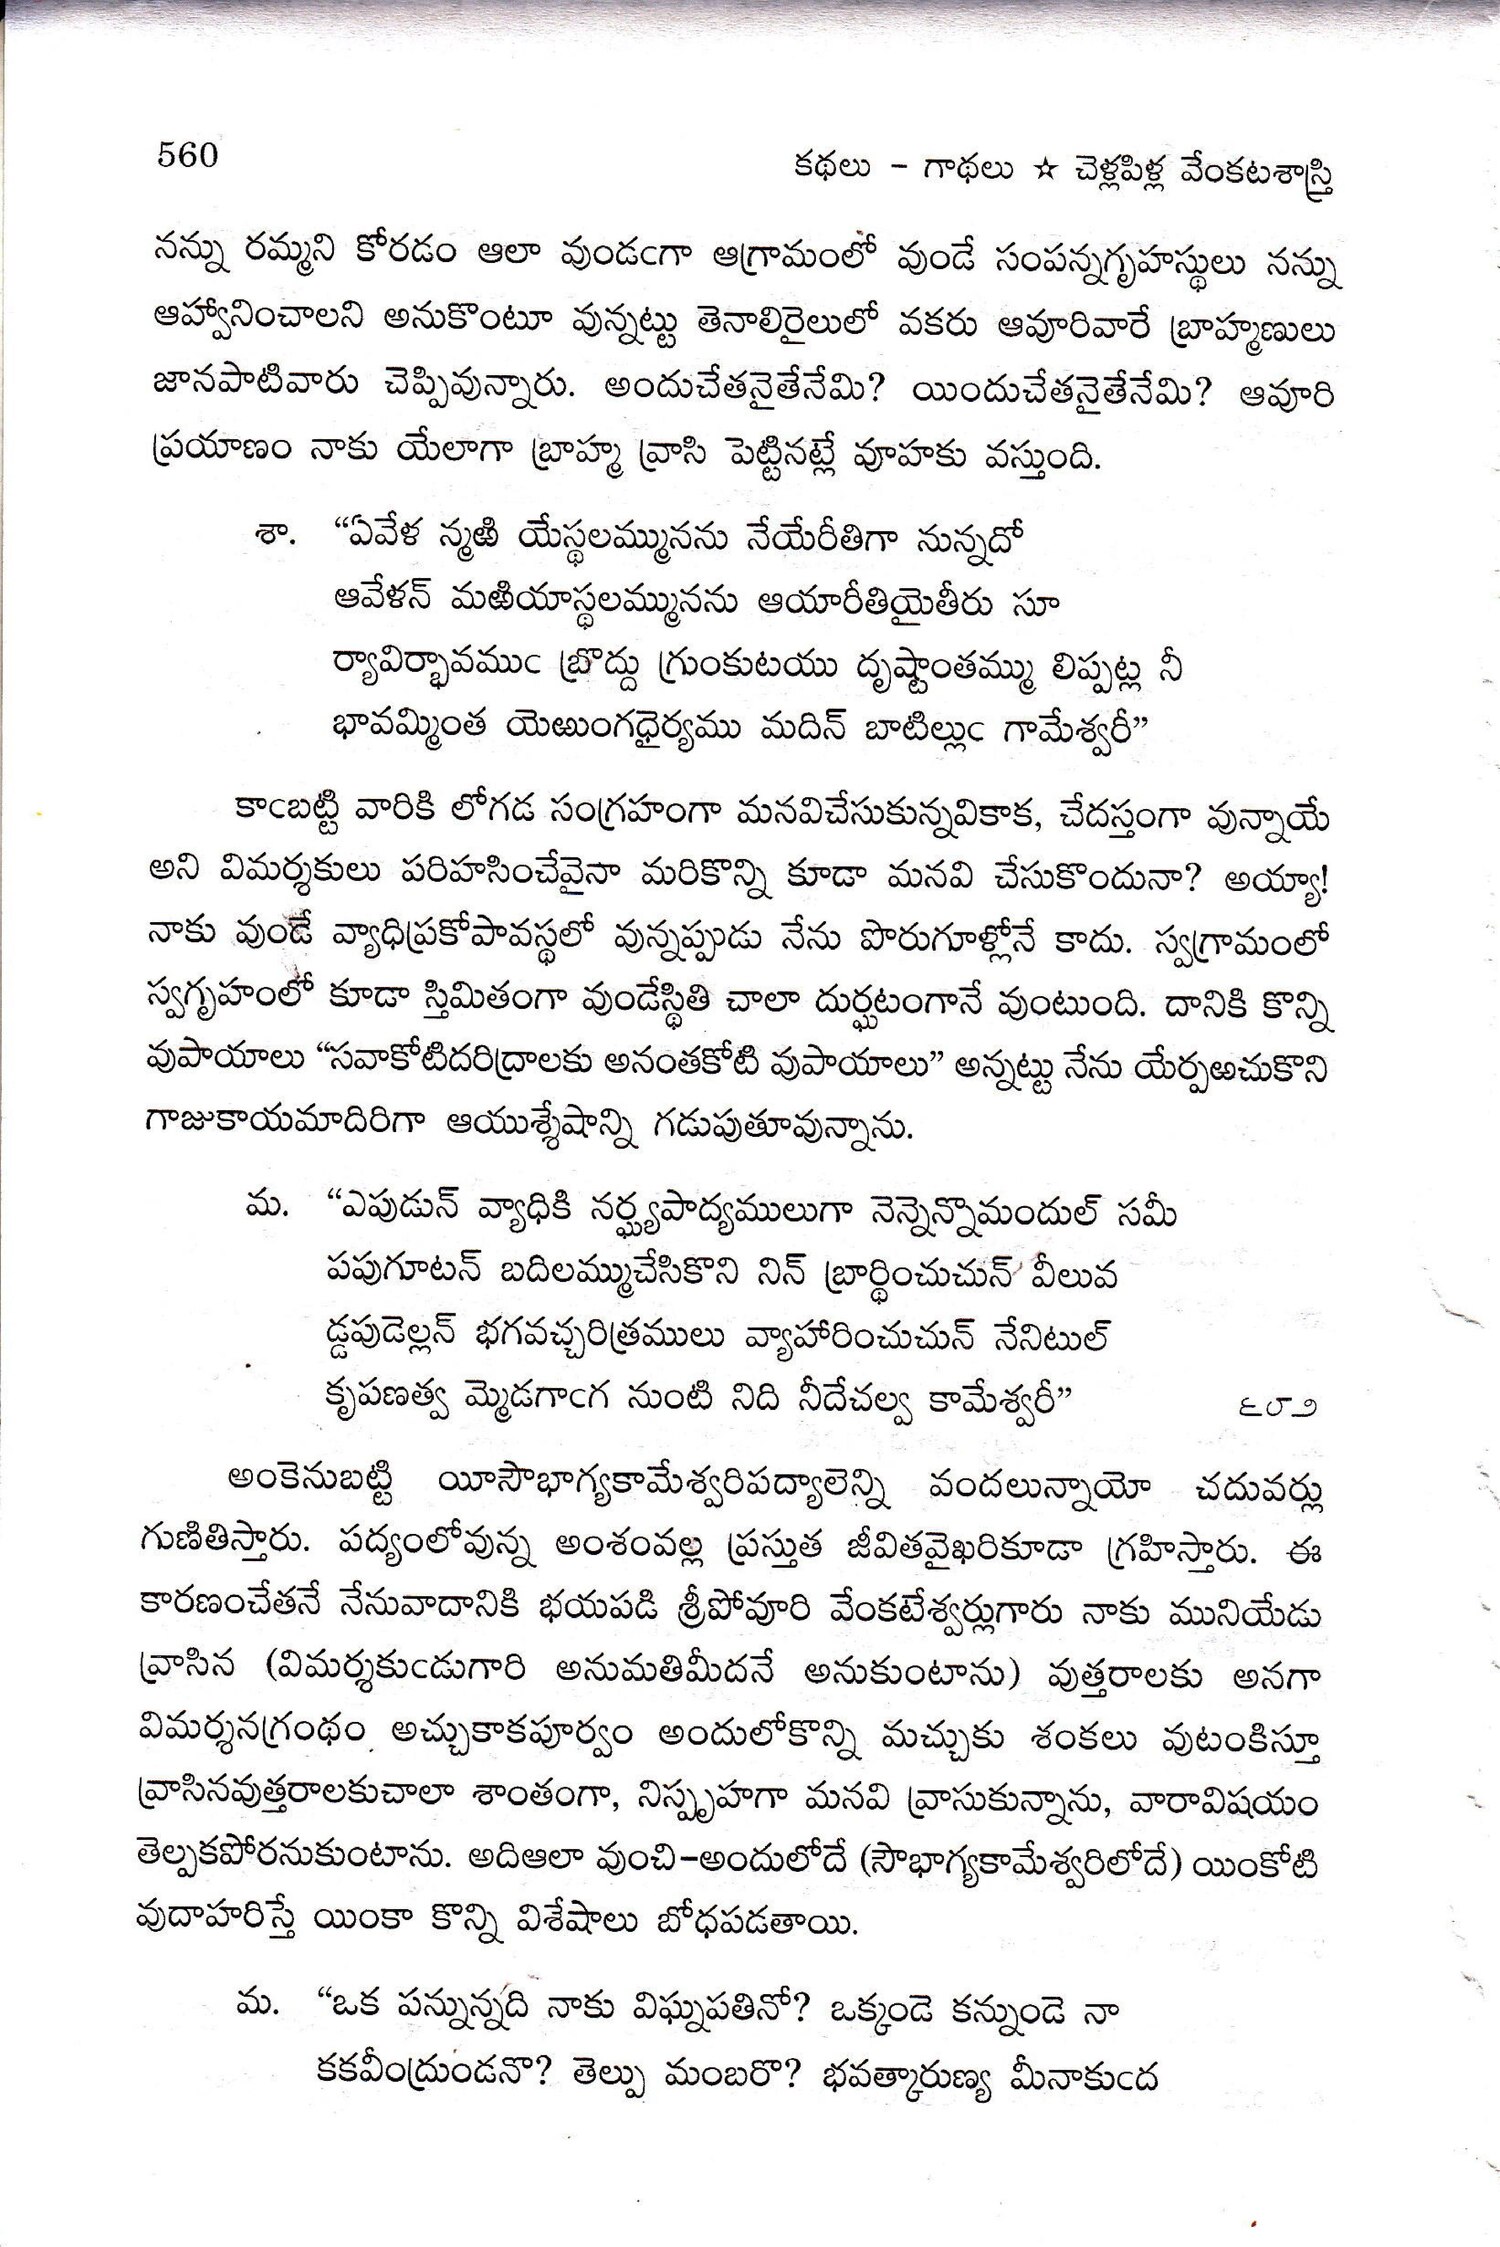నన్ను రమ్మని కోరడం ఆలా వుండఁగా ఆగ్రామంలో వుండే సంపన్నగృహస్థులు నన్ను ఆహ్వానించాలని అనుకొంటూ వున్నట్టు తెనాలిరైలులో వకరు ఆవూరివారే బ్రాహ్మణులు జానపాటివారు చెప్పివున్నారు. అందుచేతనైతేనేమి? యిందుచేతనైతేనేమి? ఆవూరి ప్రయాణం నాకు యేలాగా బ్రాహ్మ వ్రాసి పెట్టినట్లే వూహకు వస్తుంది.

శా. “ఏవేళ న్మఱి యేస్థలమ్మునను నేయేరీతిగా నున్నదో
 ఆవేళన్ మఱియాస్థలమ్మునను ఆయారీతియైతీరు సూ 
 ర్యావిర్భావముఁ బ్రొద్దు గ్రుంకుటయు దృష్టాంతమ్ము లిప్పట్ల నీ 
 భావమ్మింత యెఱుంగదైర్యము మదిన్ బాటిల్లుఁ గామేశ్వరీ”
కాఁబట్టి వారికి లోగడ సంగ్రహంగా మనవిచేసుకున్నవికాక, చేదస్తంగా వున్నాయే అని విమర్శకులు పరిహసించేవైనా మరికొన్ని కూడా మనవి చేసుకొందునా? అయ్యా! నాకు వుండే వ్యాధిప్రకోపావస్థలో వున్నప్పుడు నేను పొరుగూళ్లోనే కాదు. స్వగ్రామంలో స్వగృహంలో కూడా స్తిమితంగా వుండేస్థితి చాలా దుర్ఘటంగానే వుంటుంది. దానికి కొన్ని వుపాయాలు “సవాకోటిదరిద్రాలకు అనంతకోటి వుపాయాలు” అన్నట్టు నేను యేర్పఱచుకొని గాజుకాయమాదిరిగా ఆయుశ్శేషాన్ని గడుపుతూవున్నాను.

మ. “ఎపుడున్ వ్యాధికి నర్ఘ్యపాద్యములుగా నెన్నెన్నొమందుల్ సమీ 
 పపుగూటన్ బదిలమ్ముచేసికొని నిన్ బ్రార్థించుచున్ వీలువ 
 డ్డపుడెల్లన్ భగవచ్చరిత్రములు వ్యాహారించుచున్ నేనిటుల్ 
 కృపణత్వ మ్మెడగాఁగ నుంటి నిది నీదేచల్వ కామేశ్వరీ” 682
అంకెనుబట్టి యీసౌభాగ్యకామేశ్వరిపద్యాలెన్ని వందలున్నాయో చదువర్లు గుణితిస్తారు. పద్యంలోవున్న అంశంవల్ల ప్రస్తుత జీవితవైఖరికూడా గ్రహిస్తారు. ఈ కారణంచేతనే నేనువాదానికి భయపడి శ్రీపోవూరి వేంకటేశ్వర్లుగారు నాకు మునియేడు వ్రాసిన (విమర్శకుఁడుగారి అనుమతిమీదనే అనుకుంటాను) వుత్తరాలకు అనగా విమర్శనగ్రంథం అచ్చుకాకపూర్వం అందులోకొన్ని మచ్చుకు శంకలు వుటంకిస్తూ వ్రాసినవుత్తరాలకుచాలా శాంతంగా, నిస్పృహగా మనవి వ్రాసుకున్నాను, వారావిషయం తెల్పకపోరనుకుంటాను. అదిఆలా వుంచి-అందులోదే (సౌభాగ్యకామేశ్వరిలోదే) యింకోటి వుదాహరిస్తే యింకా కొన్ని విశేషాలు బోధపడతాయి.

మ. "ఒక పన్నున్నది నాకు విఘ్నపతినో? ఒక్కండె కన్నుండె నా
 కకవీంద్రుండనొ? తెల్పు మంబరొ? భవత్కారుణ్య మీనాకుఁద